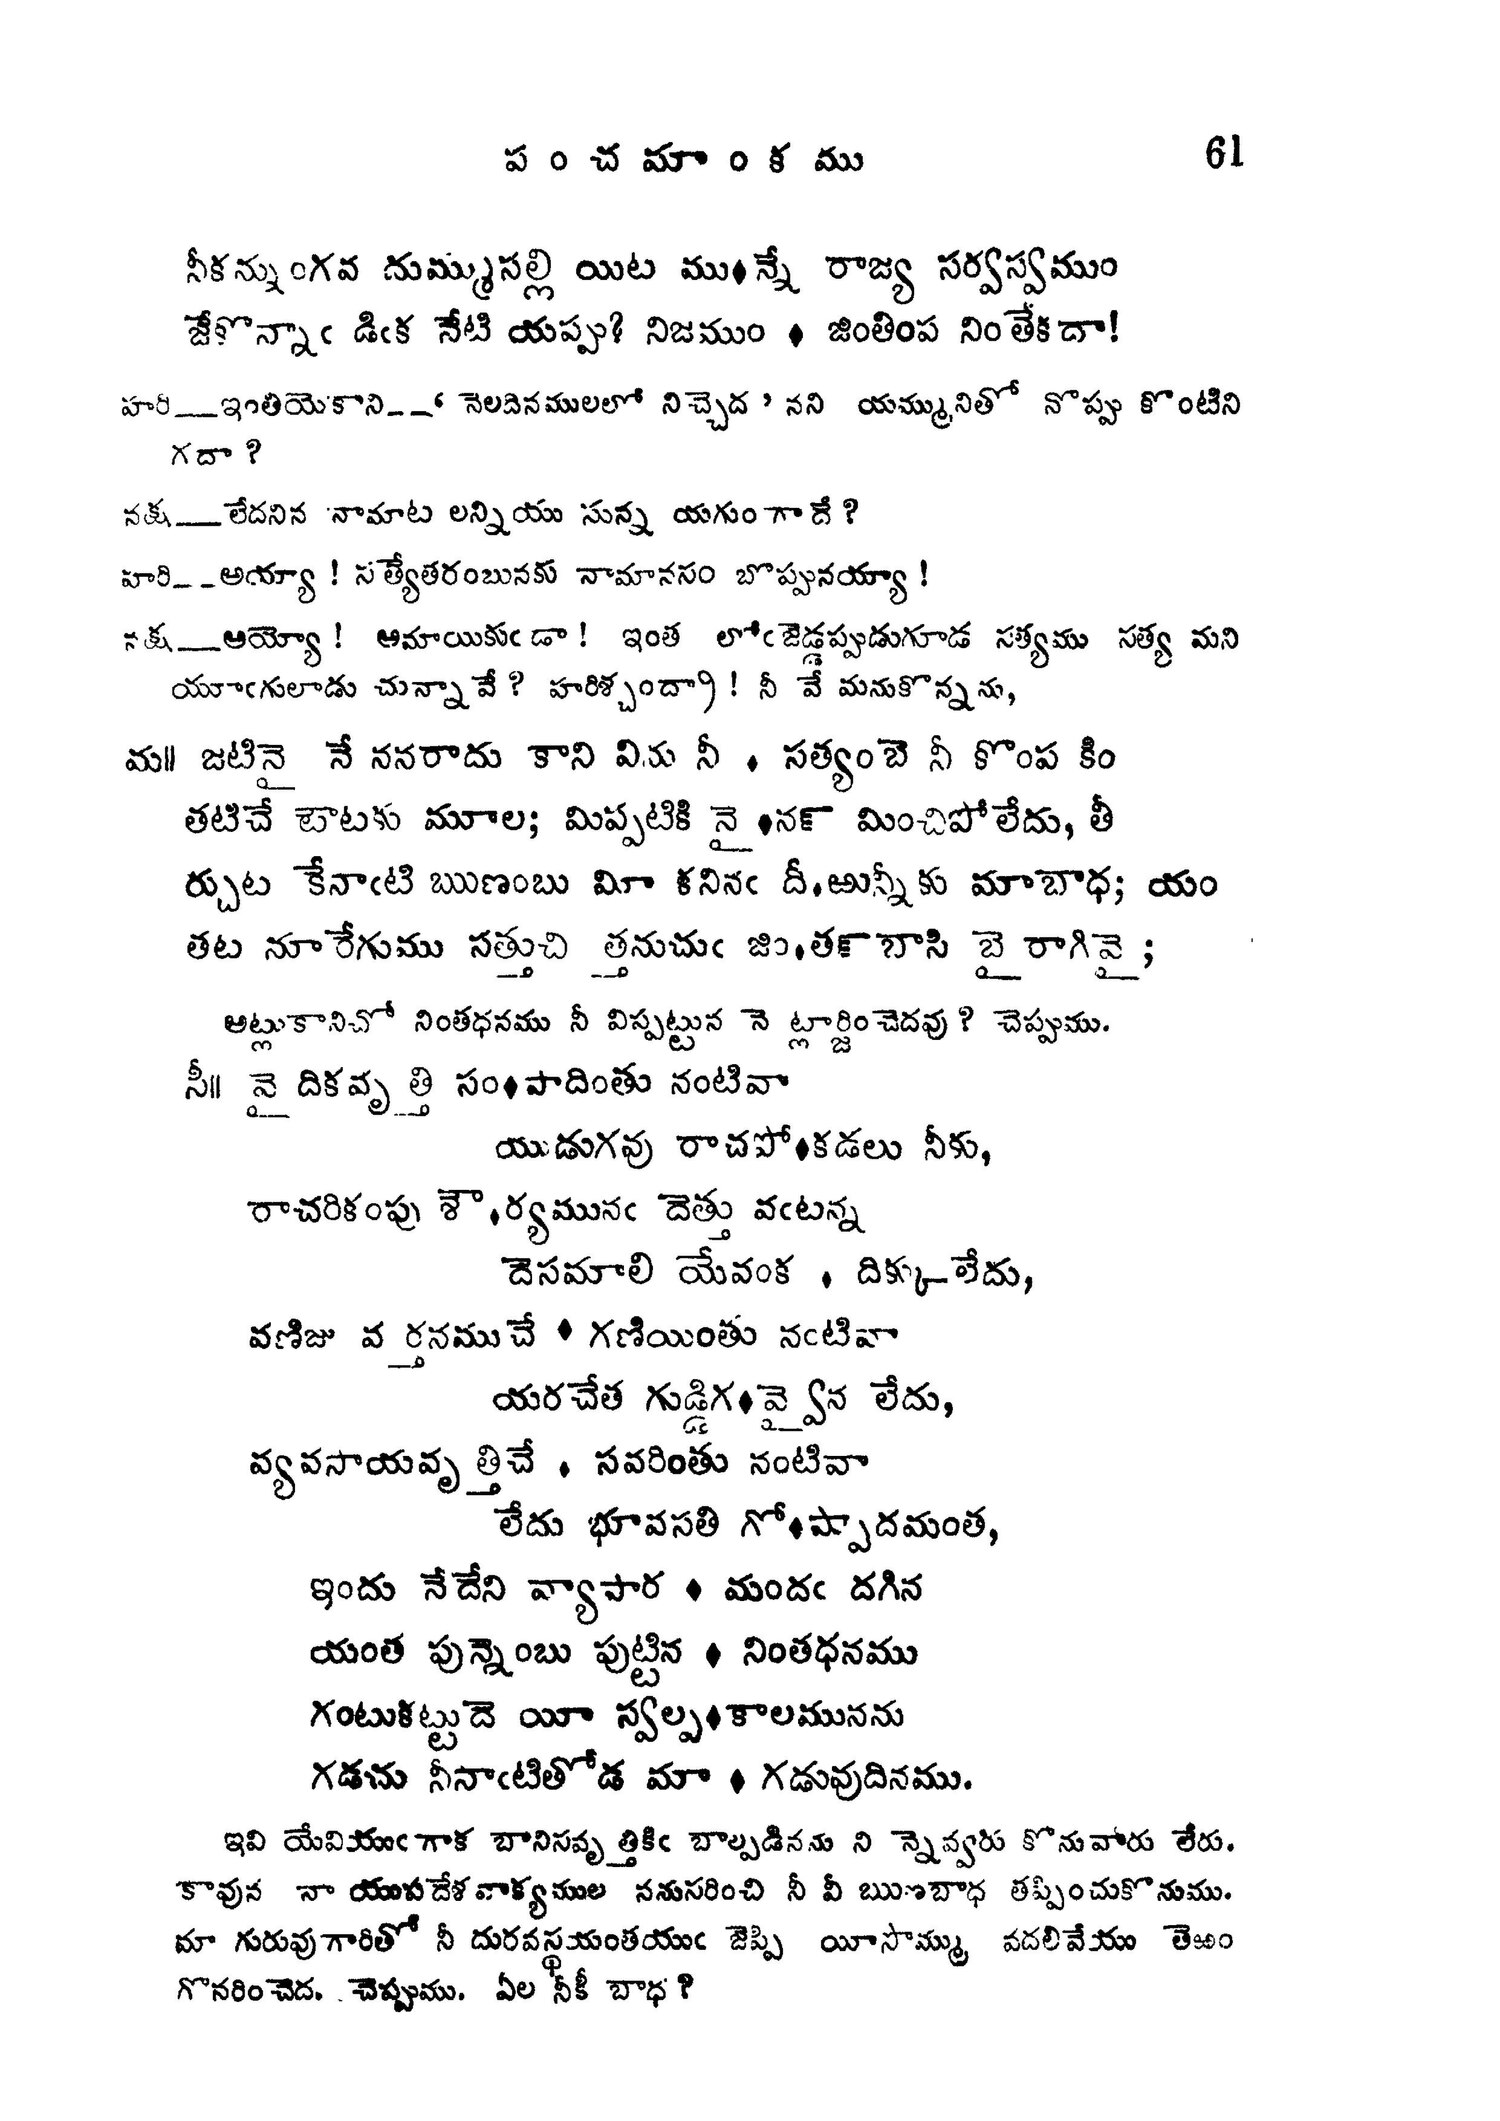నీ కన్నుంగవ దుమ్ముసల్లి యిట మున్నే రాజ్య సర్వస్వముం
జేకొన్నా డిఁక నేటి యప్పు? నిజముం జింతింప నింతేకదా!

హరి - 	ఇంతియెకాని ' నెలదినములలో నిచ్చెద ' నని యమ్మునితో నొప్పు కొంటిని గదా?

నక్ష - 	లేదనిన నామాట లన్నియు సున్న యగుంగాదే?

హరి - 	అయ్యా! సత్యేతరంబునకు నామానసం బొప్పునయ్యా!

నక్ష - అయ్యో! అమాయకుడా! ఇంతలోఁ జెడ్డప్పుడుగూడ సత్యము సత్య మని యూఁగులాడు చున్నావే? హరిశ్చంద్రా! నీ వేమనుకొన్నను,

మ. 	జటినై నేననరాదు కాని విను నీ సత్యంబె నీ కొంప కిం
తటి చేటౌటకు మూల; మిప్పటికి నైనన్‌ మించిపోలేదు, తీ
ర్చుట కేనాటి ఋణంబు మీ కనిన దీఱున్నీకు మా బాధ; యం
తట నూరేగుము సత్తుచి త్తనుచు జింతన్‌ బాసి బైరాగివై;

అట్లుకానిచో నింత ధనము నీ విప్పట్టున నె ట్లార్జించెదవు? చెప్పుము.

సీ. వైదికవృత్తి సంపాదింతు నంటివా 
 యుడుగవు రాచపోకడలు నీకు,
రాచఱికంపు శౌర్యమున దెత్తు వఁటన్న 
 దెసమాలి యేవంక దిక్కు లేదు,
వణిజు వర్తనముచే గణియింతు నంటివా 
 యరచేత గుడ్డిగవ్వైన లేదు,
వ్యవసాయవృత్తిచే సవరింతు నంటివా 
 లేదు భూవసతి గోష్పాదమంత,

గీ. 	ఇందు నేదేని వ్యాపార మందదగిన
యంత పున్నెంబు పుట్టిన నింతధనము
గంటుకట్టుదె యీ స్వల్ప కాలమునను
గడచు నీ నాటితోడ మా గడువుదినము.

ఇవి యేవియుగాక బానిసవృత్తికి బాల్పడినను ని న్నెవరు కొనువారు లేరు. కావున నా యుపదేశవాక్యముల ననుసరించి నీ వీ ఋణబాధ తప్పించికొనుము. మా గురువుగారితో నీ దురవస్థయంతయు జెప్పి యీ సొమ్ము వదిలివేయు తెఱంగొనరించెద. చెప్పుము. ఏల నీకీ బాధ?